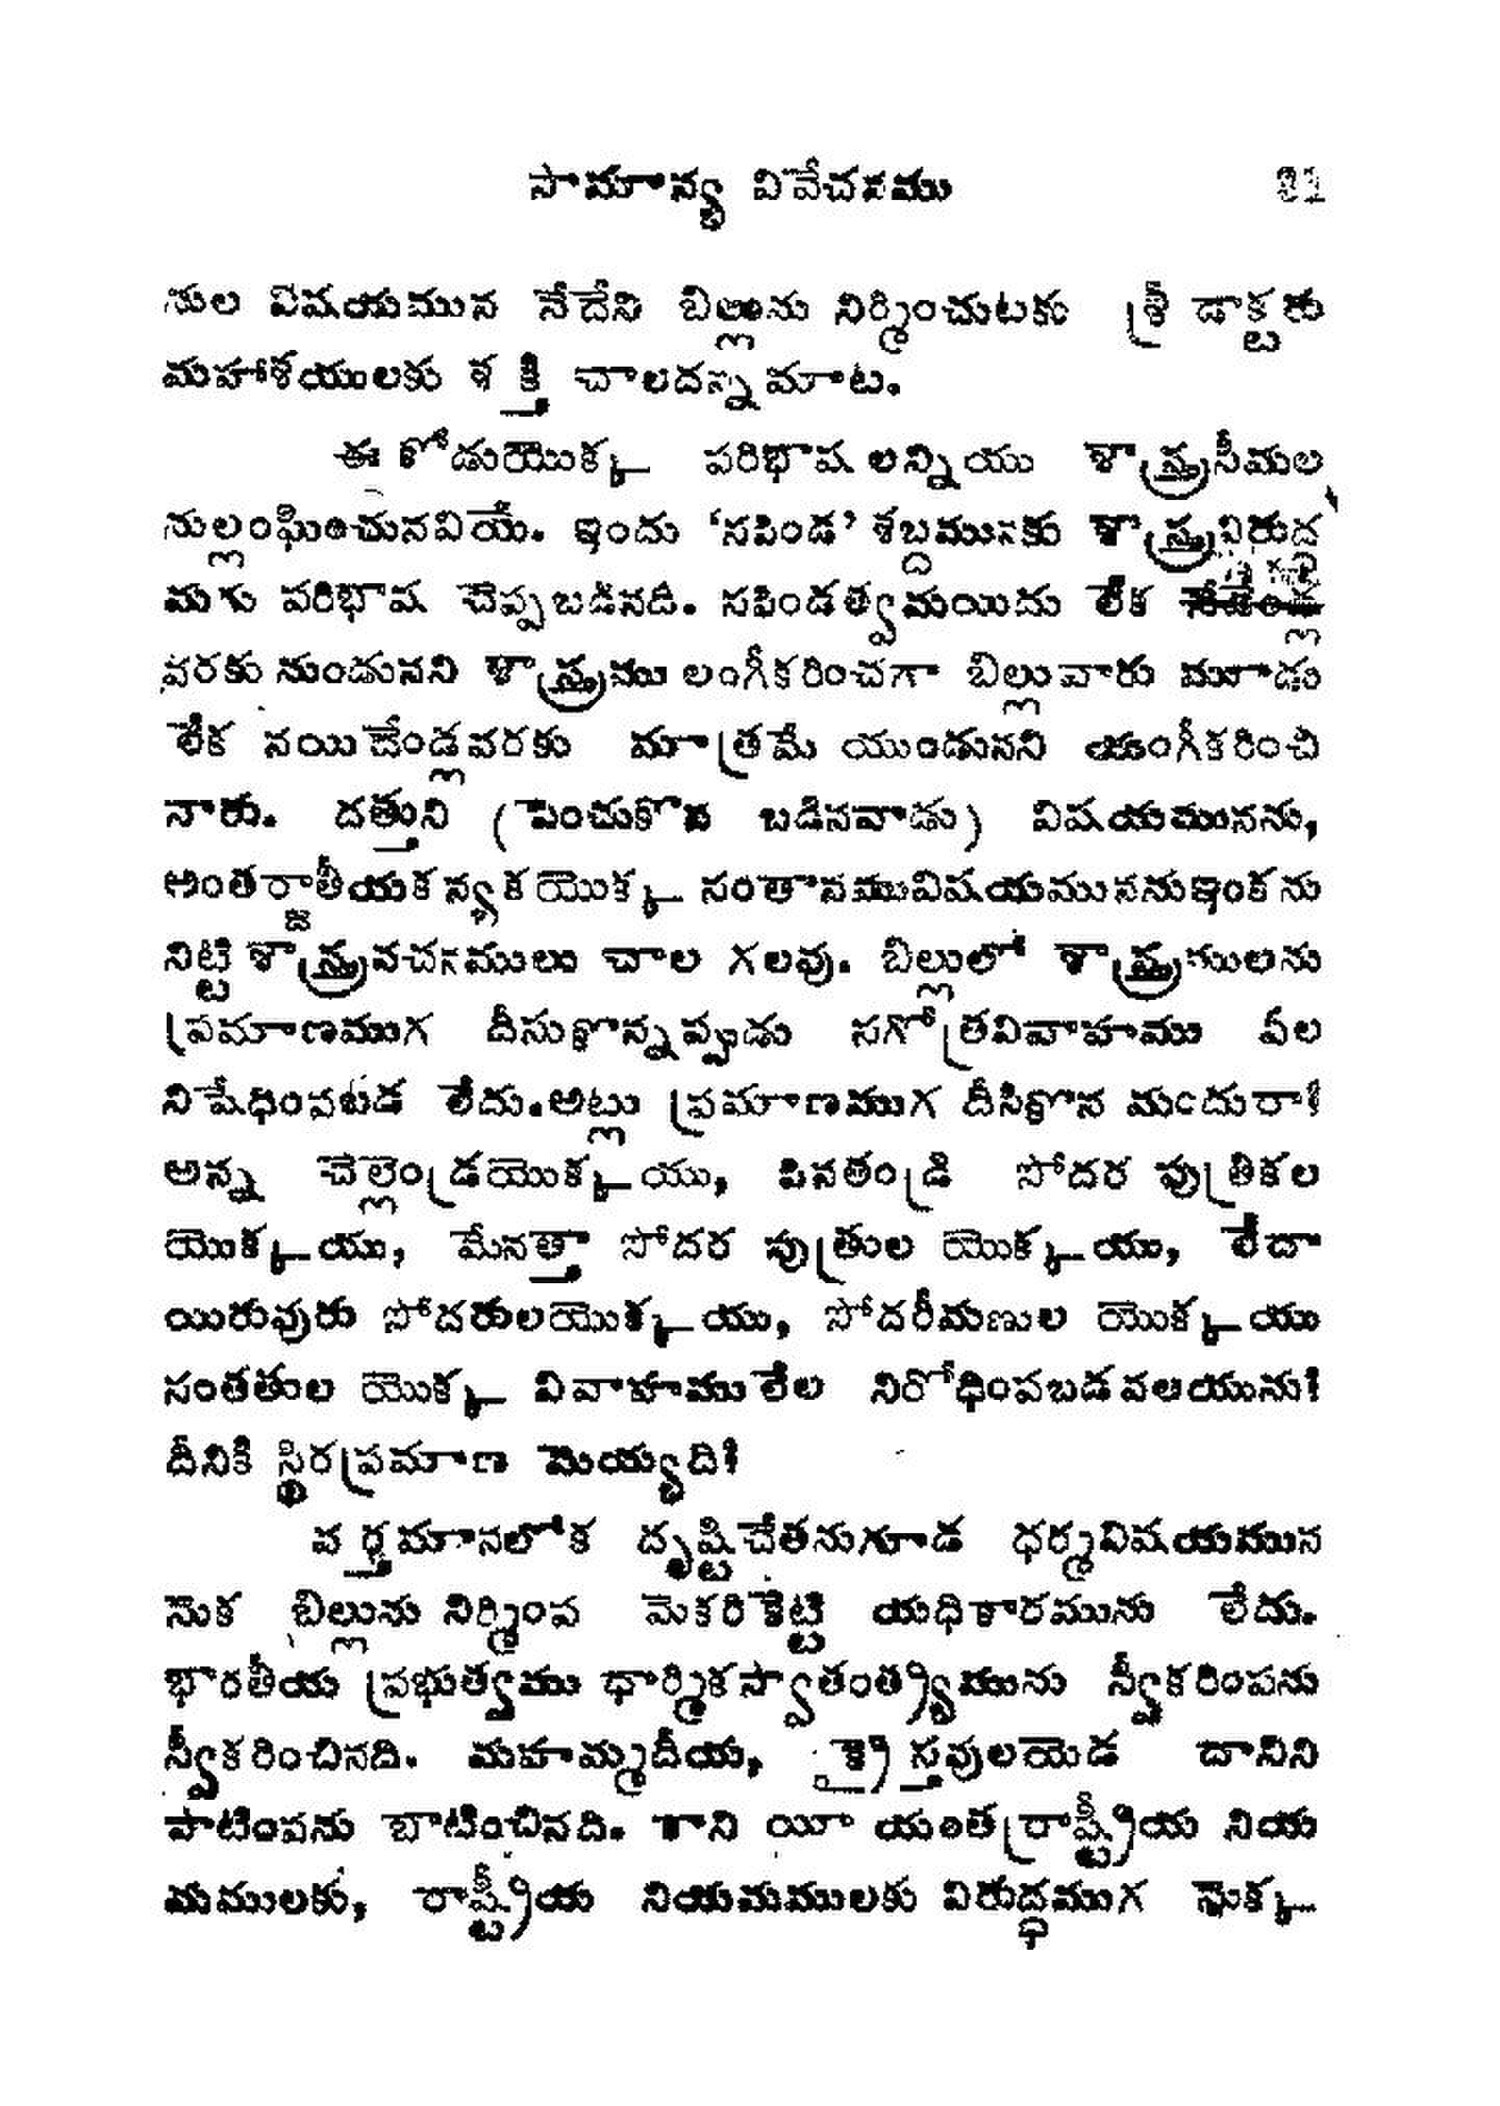నుల విషయమున నేదేని బిల్లు నిర్మించుటకు శ్రీ డాక్టరు
మహాశయులకు శక్తి చాలదన్న మాట.

ఈ కోడుయొక్క పరిభాష లన్నియు శాస్త్రసీమల
నుల్లంఘించునవియే. ఇందు 'సపిండ' శబ్దమునకు 
శాస్త్ర విరుద్ధమగు పరిభాష చెప్పబడినది. సపిండత్వమయిదు లేక
నేడేండ్ల వరకు నుండునని శాస్త్రము లంగీకరించగా బిల్లువారు మూడు
లేక నయిదేండ్లవరకు మాత్రమే యుండునని యంగీకరించి
నారు. దత్తుని (పెంచుకొనబడినవాడు) విషయమునను,
అంతర్జాతీయకన్యక యొక్క సంతానమువిషయము ననుఇంకను
నిట్టి శాస్త్రవచనములు చాల గలవు. బిల్లులో శాస్త్రములను
ప్రమాణముగ దీసుకొన్నప్పుడు సగోత్రవివాహము ఏల
నిషేధింపబడ లేదు. అట్లు ప్రమాణముగ దీసికొన మందురా?
అన్న చెల్లెండ్రయొక్కయు, పినతండ్రి సోదర పుత్రికల
యొక్కయు, మేనత్తా సోదర పుత్రుల యొక్కయు, లేదా
యిరువురు సోదరుల యొక్కయు, సోదరీమణుల యొక్కయు
సంతతుల యొక్క వివాహములేల నిరోధింపబడవలయును!
దీనికి స్థిరప్రమాణ మెయ్యది?

వర్తమానలోక దృష్టిచేతను గూడ ధర్మవిషయమున
నొక బిల్లును నిర్మింప నొకరికెట్టి యధికారమును లేదు.
భారతీయ ప్రభుత్వము ధార్మిక స్వాతంత్య్రమును స్వీకరింపను
స్వీకరించినది. మహమ్మదీయ, క్రైస్తవులయెడ
పాటింపను బాటించినది. కాని యీ యంతర్రాష్ట్రీయ 
నియమములకు, రాష్ట్రీయ నియమములకు విరుద్ధముగ నొక్క